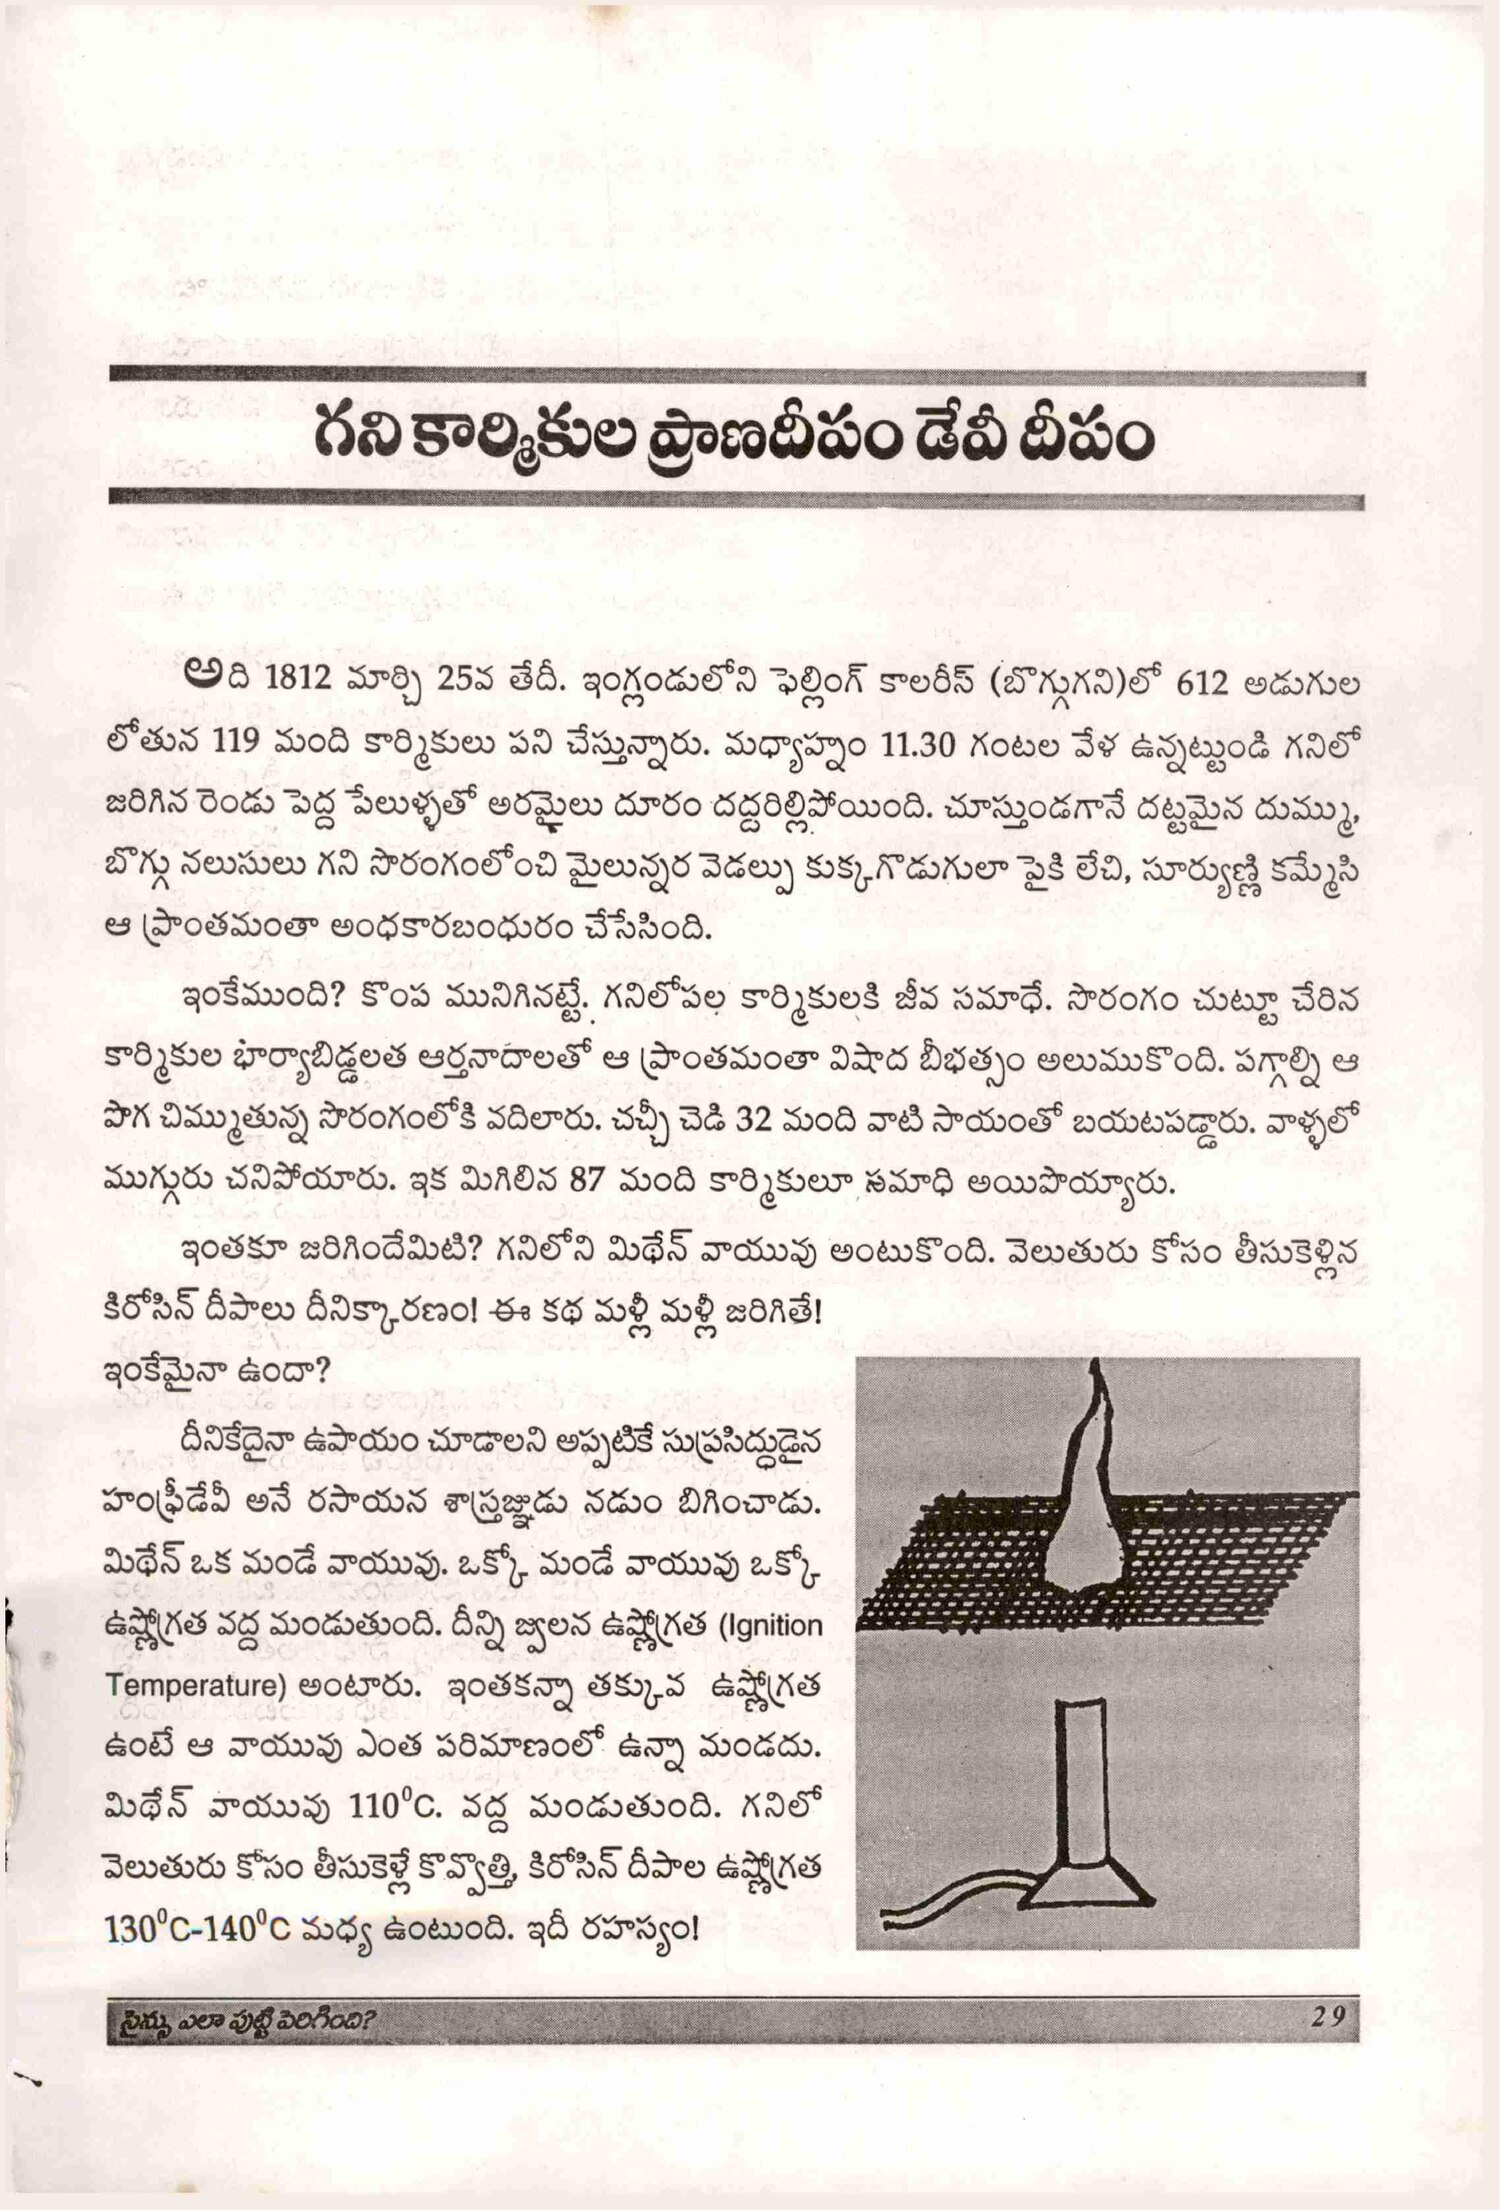గని కార్మికుల ప్రాణదీపం డేవీ దీపం

అది 1812 మార్చి 25వ తేదీ. ఇంగ్లండులోని ఫెల్లింగ్ కాలరీస్ (బొగ్గుగని)లో 612 అడుగుల లోతున 119 మంది కార్మికులు పని చేస్తున్నారు. మధ్యాహ్నం 11.30 గంటల వేళ ఉన్నట్టుండి గనిలో జరిగిన రెండు పెద్ద పేలుళ్ళతో అరమైలు దూరం దద్దరిల్లిపోయింది. చూస్తుండగానే దట్టమైన దుమ్ము, బొగ్గు నలుసులు గని సొరంగంలోంచి మైలున్నర వెడల్పు కుక్క గొడుగులా పైకి లేచి, సూర్యుణ్ణి కమ్మేసి ఆ ప్రాంతమంతా అంధకారబంధురం చేసేసింది.

ఇంకేముంది? కొంప మునిగినట్టే. గనిలోపల కార్మికులకి జీవ సమాధే. సొరంగం చుట్టూ చేరిన కార్మికుల భార్యాబిడ్డలత ఆర్తనాదాలతో ఆ ప్రాంతమంతా విషాద బీభత్సం అలుముకొంది. పగ్గాల్ని ఆ పొగ చిమ్ముతున్న సొరంగంలోకి వదిలారు. చచ్చీ చెడి 32 మంది వాటి సాయంతో బయటపడ్డారు. వాళ్ళలో ముగ్గురు చనిపోయారు. ఇక మిగిలిన 87 మంది కార్మికులూ సమాధి అయిపొయ్యారు.

ఇంతకూ జరిగిందేమిటి? గనిలోని మిథేన్ వాయువు అంటుకొంది. వెలుతురు కోసం తీసుకెళ్లిన కిరోసిన్ దీపాలు దీనిక్కారణం! ఈ కథ మళ్లీ మళ్లీ జరిగితే! ఇంకేమైనా ఉందా?

దీనికేదైనా ఉపాయం చూడాలని అప్పటికే సుప్రసిద్ధుడైన హంఫ్రీడేవీ అనే రసాయన శాస్త్రజ్ఞుడు నడుం బిగించాడు.
మిథేన్ ఒక మండే వాయువు. ఒక్కో మండే వాయువు ఒక్కో ఉష్ణోగ్రత వద్ద మండుతుంది. దీన్ని జ్వలన ఉష్ణోగ్రత (Ignition Temperature) అంటారు. ఇంతకన్నా తక్కువ ఉష్ణోగ్రత ఉంటే ఆ వాయువు ఎంత పరిమాణంలో ఉన్నా మండదు. మిథేన్ వాయువు 110°C. వద్ద మండుతుంది. గనిలో వెలుతురు కోసం తీసుకెళ్లే కొవ్వొత్తి, కిరోసిన్ దీపాల ఉష్ణోగ్రత 130°C–140°C మధ్య ఉంటుంది. ఇదీ రహస్యం!